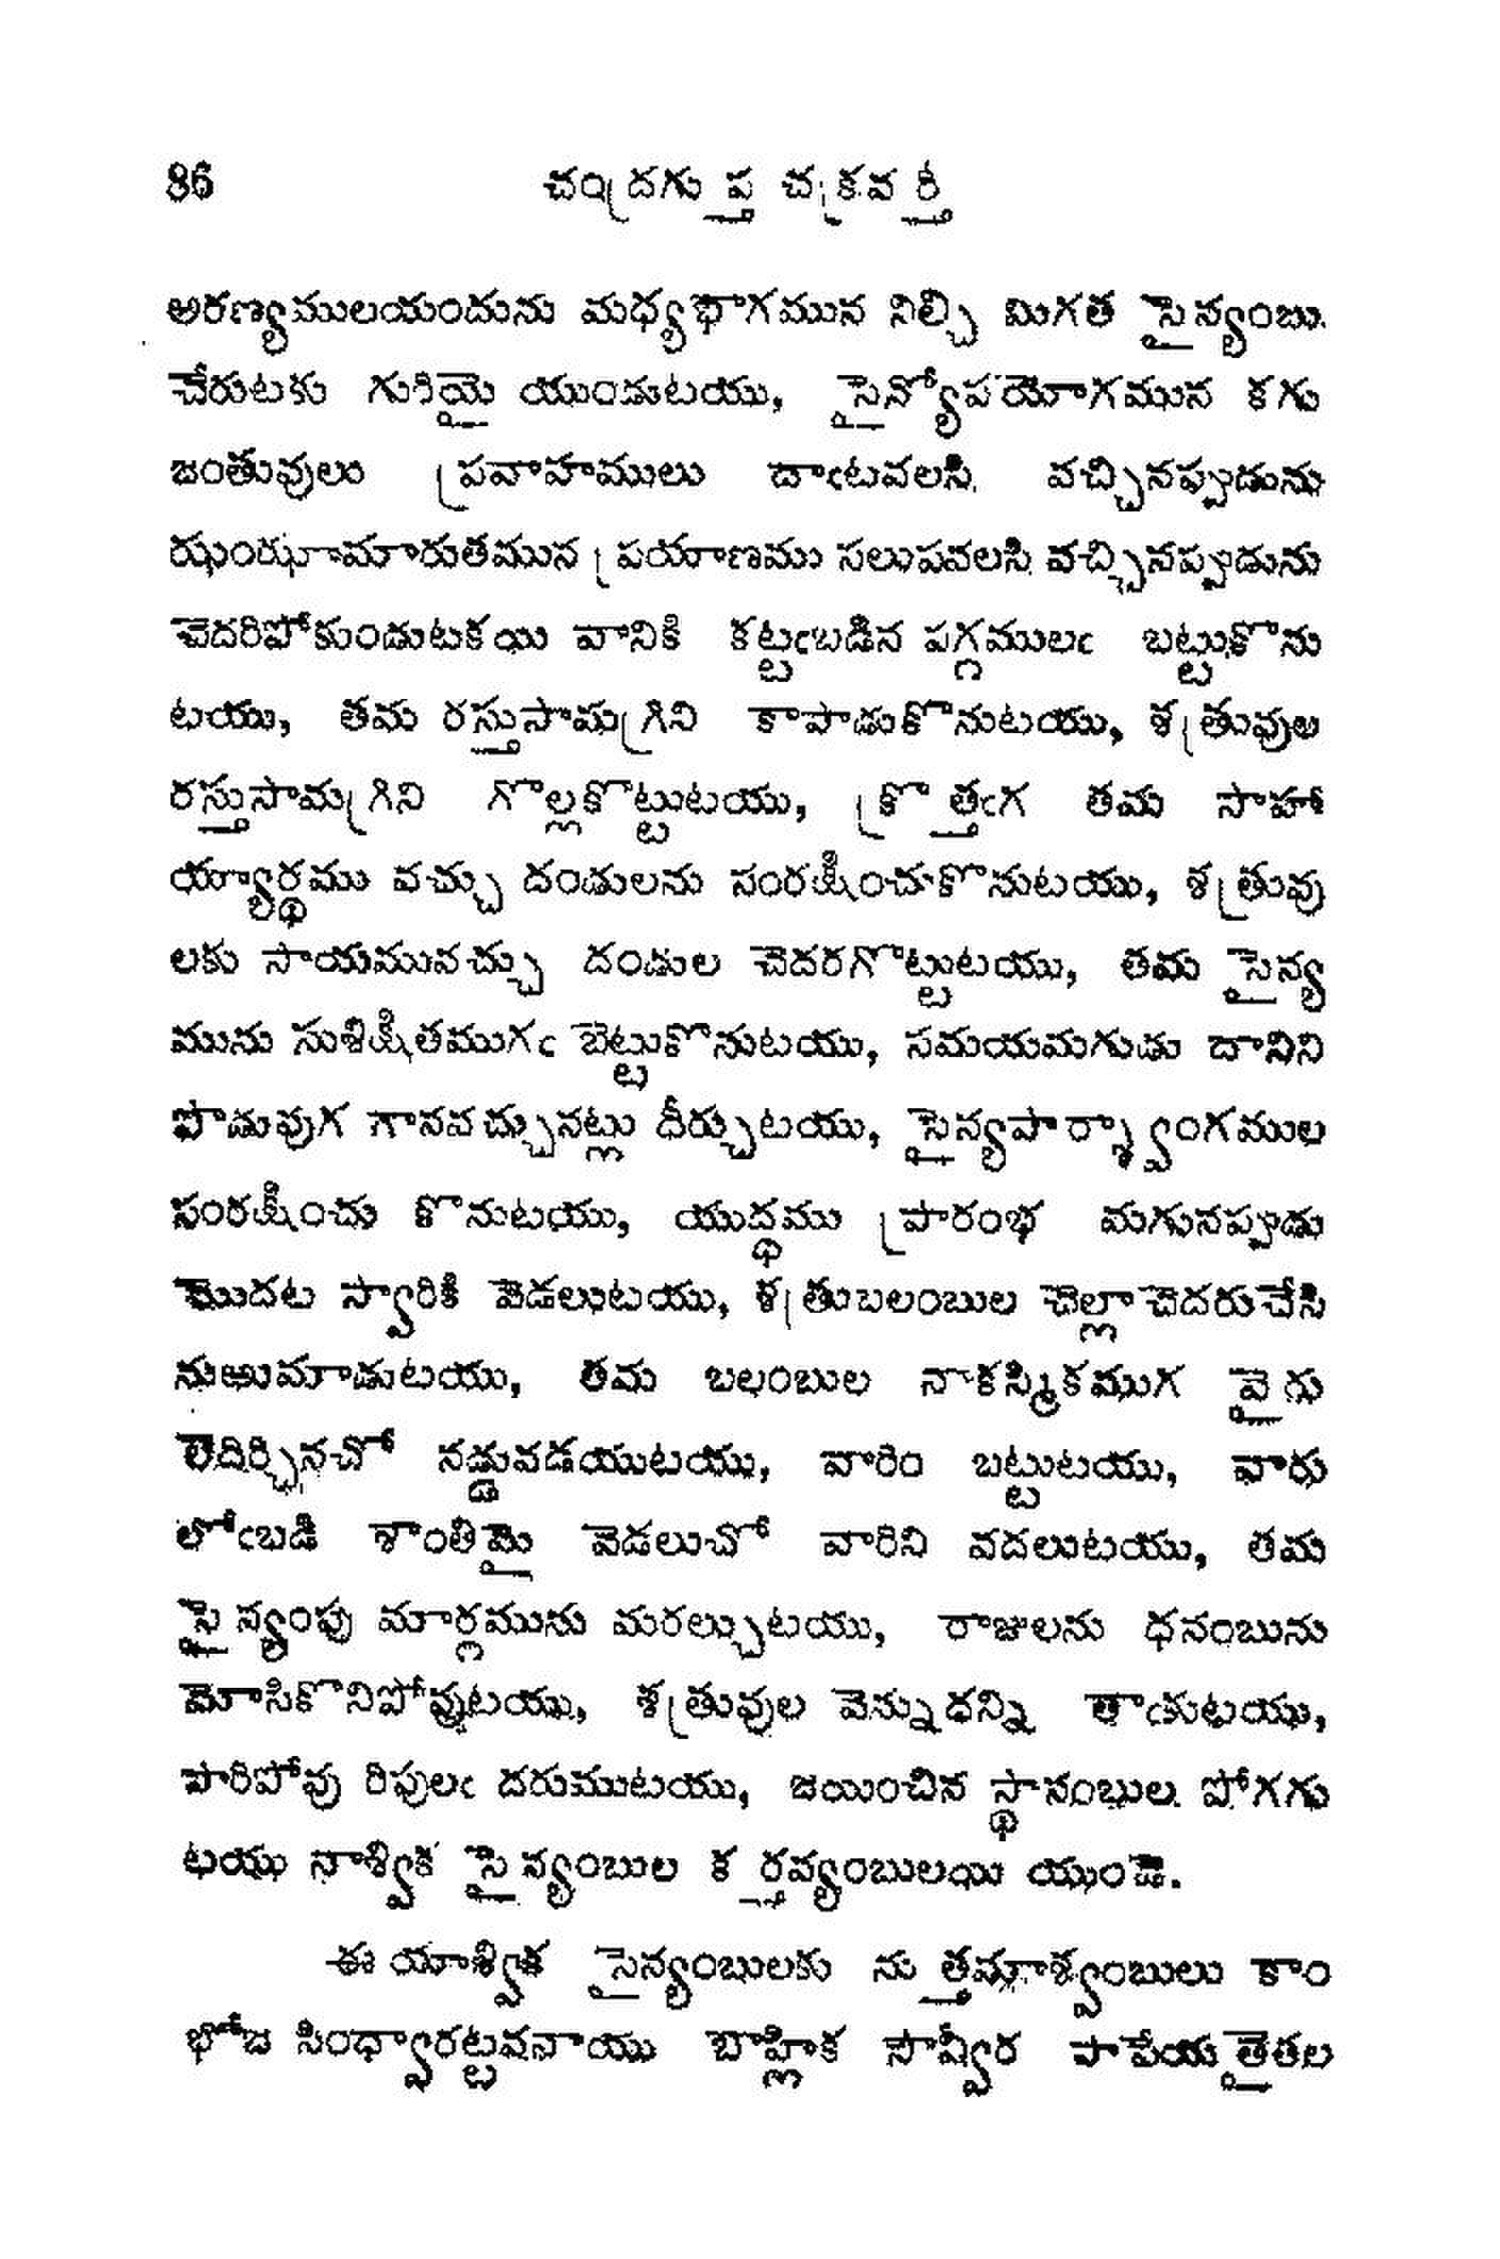అరణ్యములయందును మధ్యభాగమున నిల్చి మిగత సైన్యంబు. చేరుటకు గురియై యుండుటయు, సైన్యోపయోగమున కగు జంతువులు ప్రవాహములు దాఁటవలసి వచ్చినప్పుడును ఝంఝామారుతమున ప్రయాణము సలుపవలసి వచ్చినప్పుడును చెదరిపోకుందుటకయి వానికి కట్టఁబడిన పగ్గములఁ బట్టుకొనుటయు, తమ రస్తుసామగ్రిని కాపాడుకొనుటయు, శత్రువుల రస్తుసామగ్రిని గొల్లకొట్టుటయు, క్రొత్తఁగ తమ సాహాయ్యూర్థము వచ్చు దండులను సంరక్షించుకొనుటయు, శత్రువులకు సాయమువచ్చు దండుల చెదరగొట్టుటయు, తమ సైన్యమును సుశిక్షితముగఁ బెట్టుకొనుటయు, సమయమగుడు దానిని పొడువుగ గానవచ్చునట్లు దీర్చుటయు, సైన్యపార్శ్వాంగముల సంరక్షించు కొనుటయు, యుద్ధము ప్రారంభ మగునప్పుడు మొదట స్వారికి వెడలుటయు, శత్రుబలంబుల చెల్లా చెదరుచేసి నుఱుమాడుటయు, తమ బలంబుల నాకస్మికముగ వైరు లెదిర్చినచో నడ్డువడయుటయు, వారిం బట్టుటయు, వారు లోఁబడి శాంతిమై వెడలుచో వారిని వదలుటయు, తమ సైన్యంపు మార్గమును మరల్చుటయు, రాజులను ధనంబును
మోసికొనిపోవుటయు, శత్రువుల వెన్నుదన్ని తాఁకుటయు, పారిపోవు రిఫులఁ దరుముటయు, జయించిన స్థానంబుల, పోగగుటయు నాశ్విక సైన్యంబుల కర్తవ్యంబులయి యుండె.

ఈ యాశ్విక సైన్యంబులకు నుత్తమాశ్వంబులు కాంభోజ సింధ్వారట్టవనాయు బాహ్లిక సౌవ్వీర పాపేయతైతల